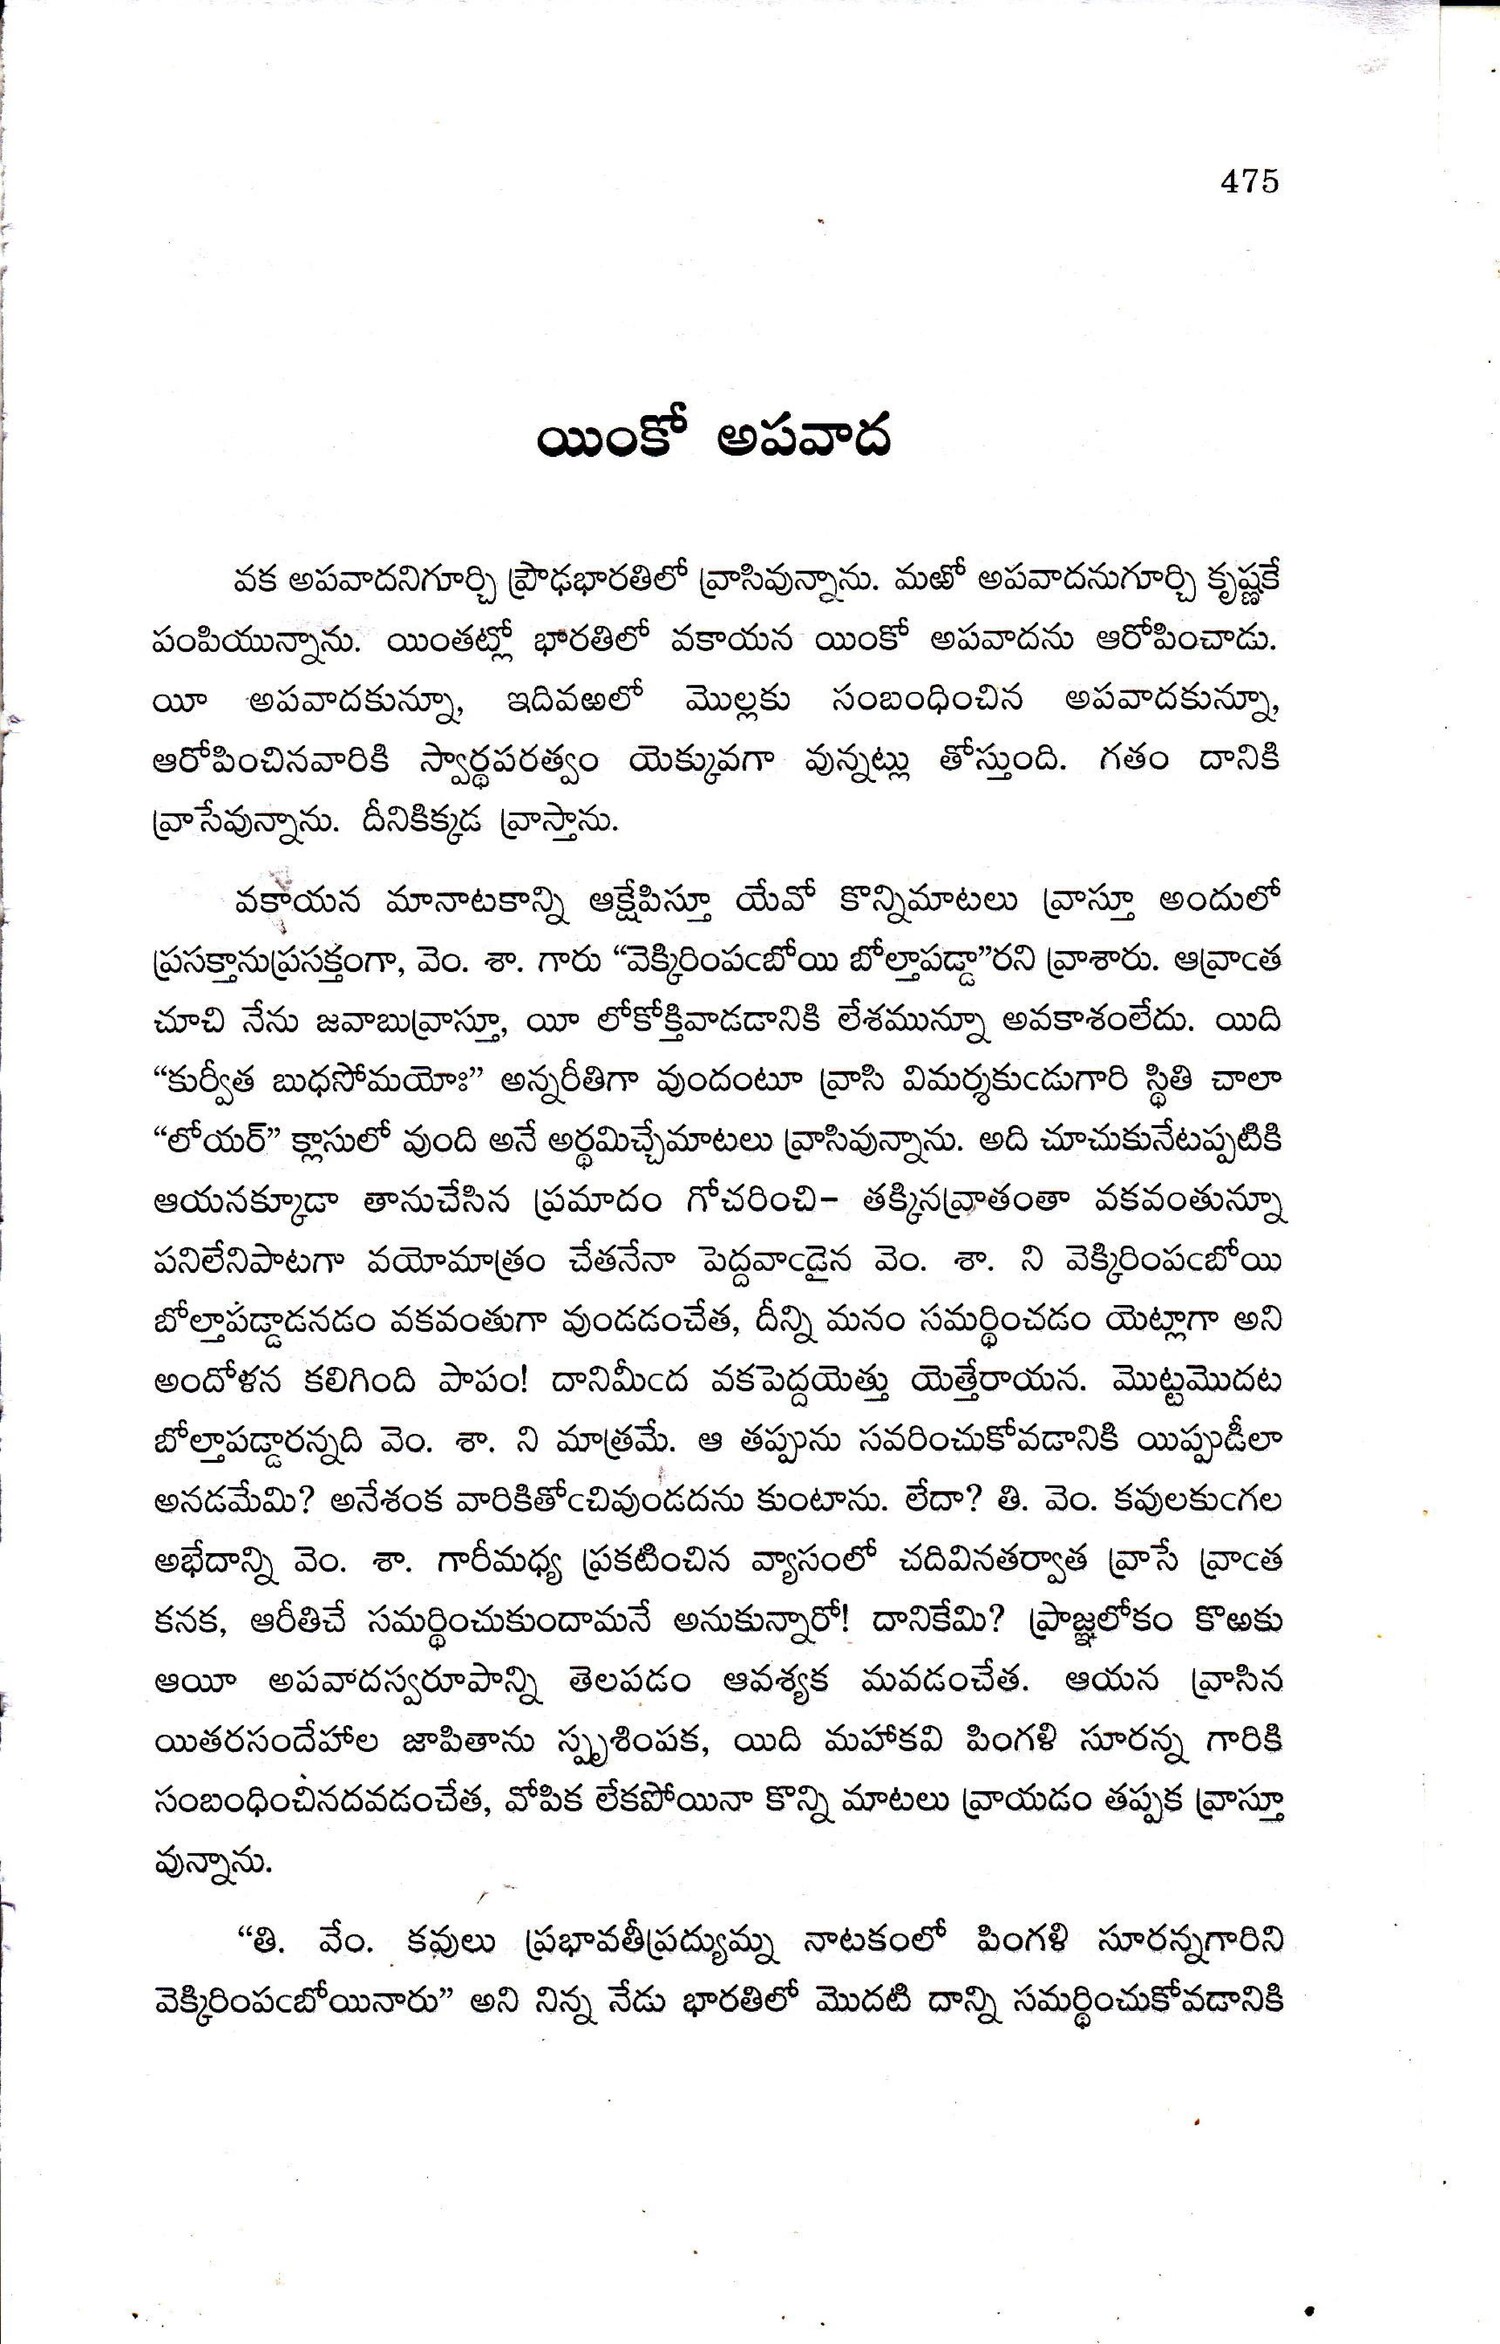యింకో అపవాద

వక అపవాదనిగూర్చి ప్రౌఢభారతిలో వ్రాసివున్నాను. మఱో అపవాదనుగూర్చి కృష్ణకే పంపియున్నాను. యింతట్లో భారతిలో వకాయన యింకో అపవాదను ఆరోపించాడు. యీ అపవాదకున్నూ, ఇదివఱలో మొల్లకు సంబంధించిన అపవాదకున్నూ, ఆరోపించినవారికి స్వార్థపరత్వం యెక్కువగా వున్నట్లు తోస్తుంది. గతం దానికి వ్రాసేవున్నాను. దీనికిక్కడ వ్రాస్తాను.

వకాయన మానాటకాన్ని ఆక్షేపిస్తూ యేవో కొన్నిమాటలు వ్రాస్తూ అందులో ప్రసక్తానుప్రసక్తంగా, వెం. శా. గారు "వెక్కిరింపఁబోయి బోల్తాపడ్డా"రని వ్రాశారు. ఆవ్రాఁత చూచి నేను జవాబువ్రాస్తూ, యీ లోకోక్తివాడడానికి లేశమున్నూ అవకాశంలేదు. యిది “కుర్వీత బుధసోమయో" అన్నరీతిగా వుందంటూ వ్రాసి విమర్శకుఁడుగారి స్థితి చాలా “లోయర్" క్లాసులో వుంది అనే అర్థమిచ్చేమాటలు వ్రాసివున్నాను. అది చూచుకునేటప్పటికి ఆయనక్కూడా తానుచేసిన ప్రమాదం గోచరించి- తక్కిన వ్రాతంతా వకవంతున్నూ పనిలేనిపాటగా వయోమాత్రం చేతనేనా పెద్దవాఁడైన వెం. శా. ని వెక్కిరింపఁబోయి బోల్తాపడ్డాడనడం వకవంతుగా వుండడంచేత, దీన్ని మనం సమర్థించడం యెట్లాగా అని అందోళన కలిగింది పాపం! దానిమీఁద వకపెద్దయెత్తు యెత్తేరాయన. మొట్టమొదట బోల్తాపడ్డారన్నది వెం. శా, ని మాత్రమే. ఆ తప్పును సవరించుకోవడానికి యిప్పడీలా అనడమేమి? అనేశంక వారికితోఁచివుండదను కుంటాను. లేదా? తి. వెం. కవులకుఁగల అభేదాన్ని వెం. శా. గారీమధ్య ప్రకటించిన వ్యాసంలో చదివినతర్వాత వ్రాసే వ్రాఁఁత కనక, ఆరీతిచే సమర్థించుకుందామనే అనుకున్నారో! దానికేమి? ప్రాజ్ఞలోకం కొఱకు ఆయీ అపవాదస్వరూపాన్ని తెలపడం ఆవశ్యక మవడంచేత. ఆయన వ్రాసిన యితరసందేహాల జాపితాను స్పృశింపక, యిది మహాకవి పింగళి సూరన్న గారికి సంబంధించినదవడంచేత, వోపిక లేకపోయినా కొన్ని మాటలు వ్రాయడం తప్పక వ్రాస్తూ వున్నాను.

“తి. వేం. కవులు ప్రభావతీప్రద్యుమ్న నాటకంలో పింగళి సూరన్నగారిని వెక్కిరింపఁబోయినారు" అని నిన్న నేడు భారతిలో మొదటి దాన్ని సమర్థించుకోవడానికి